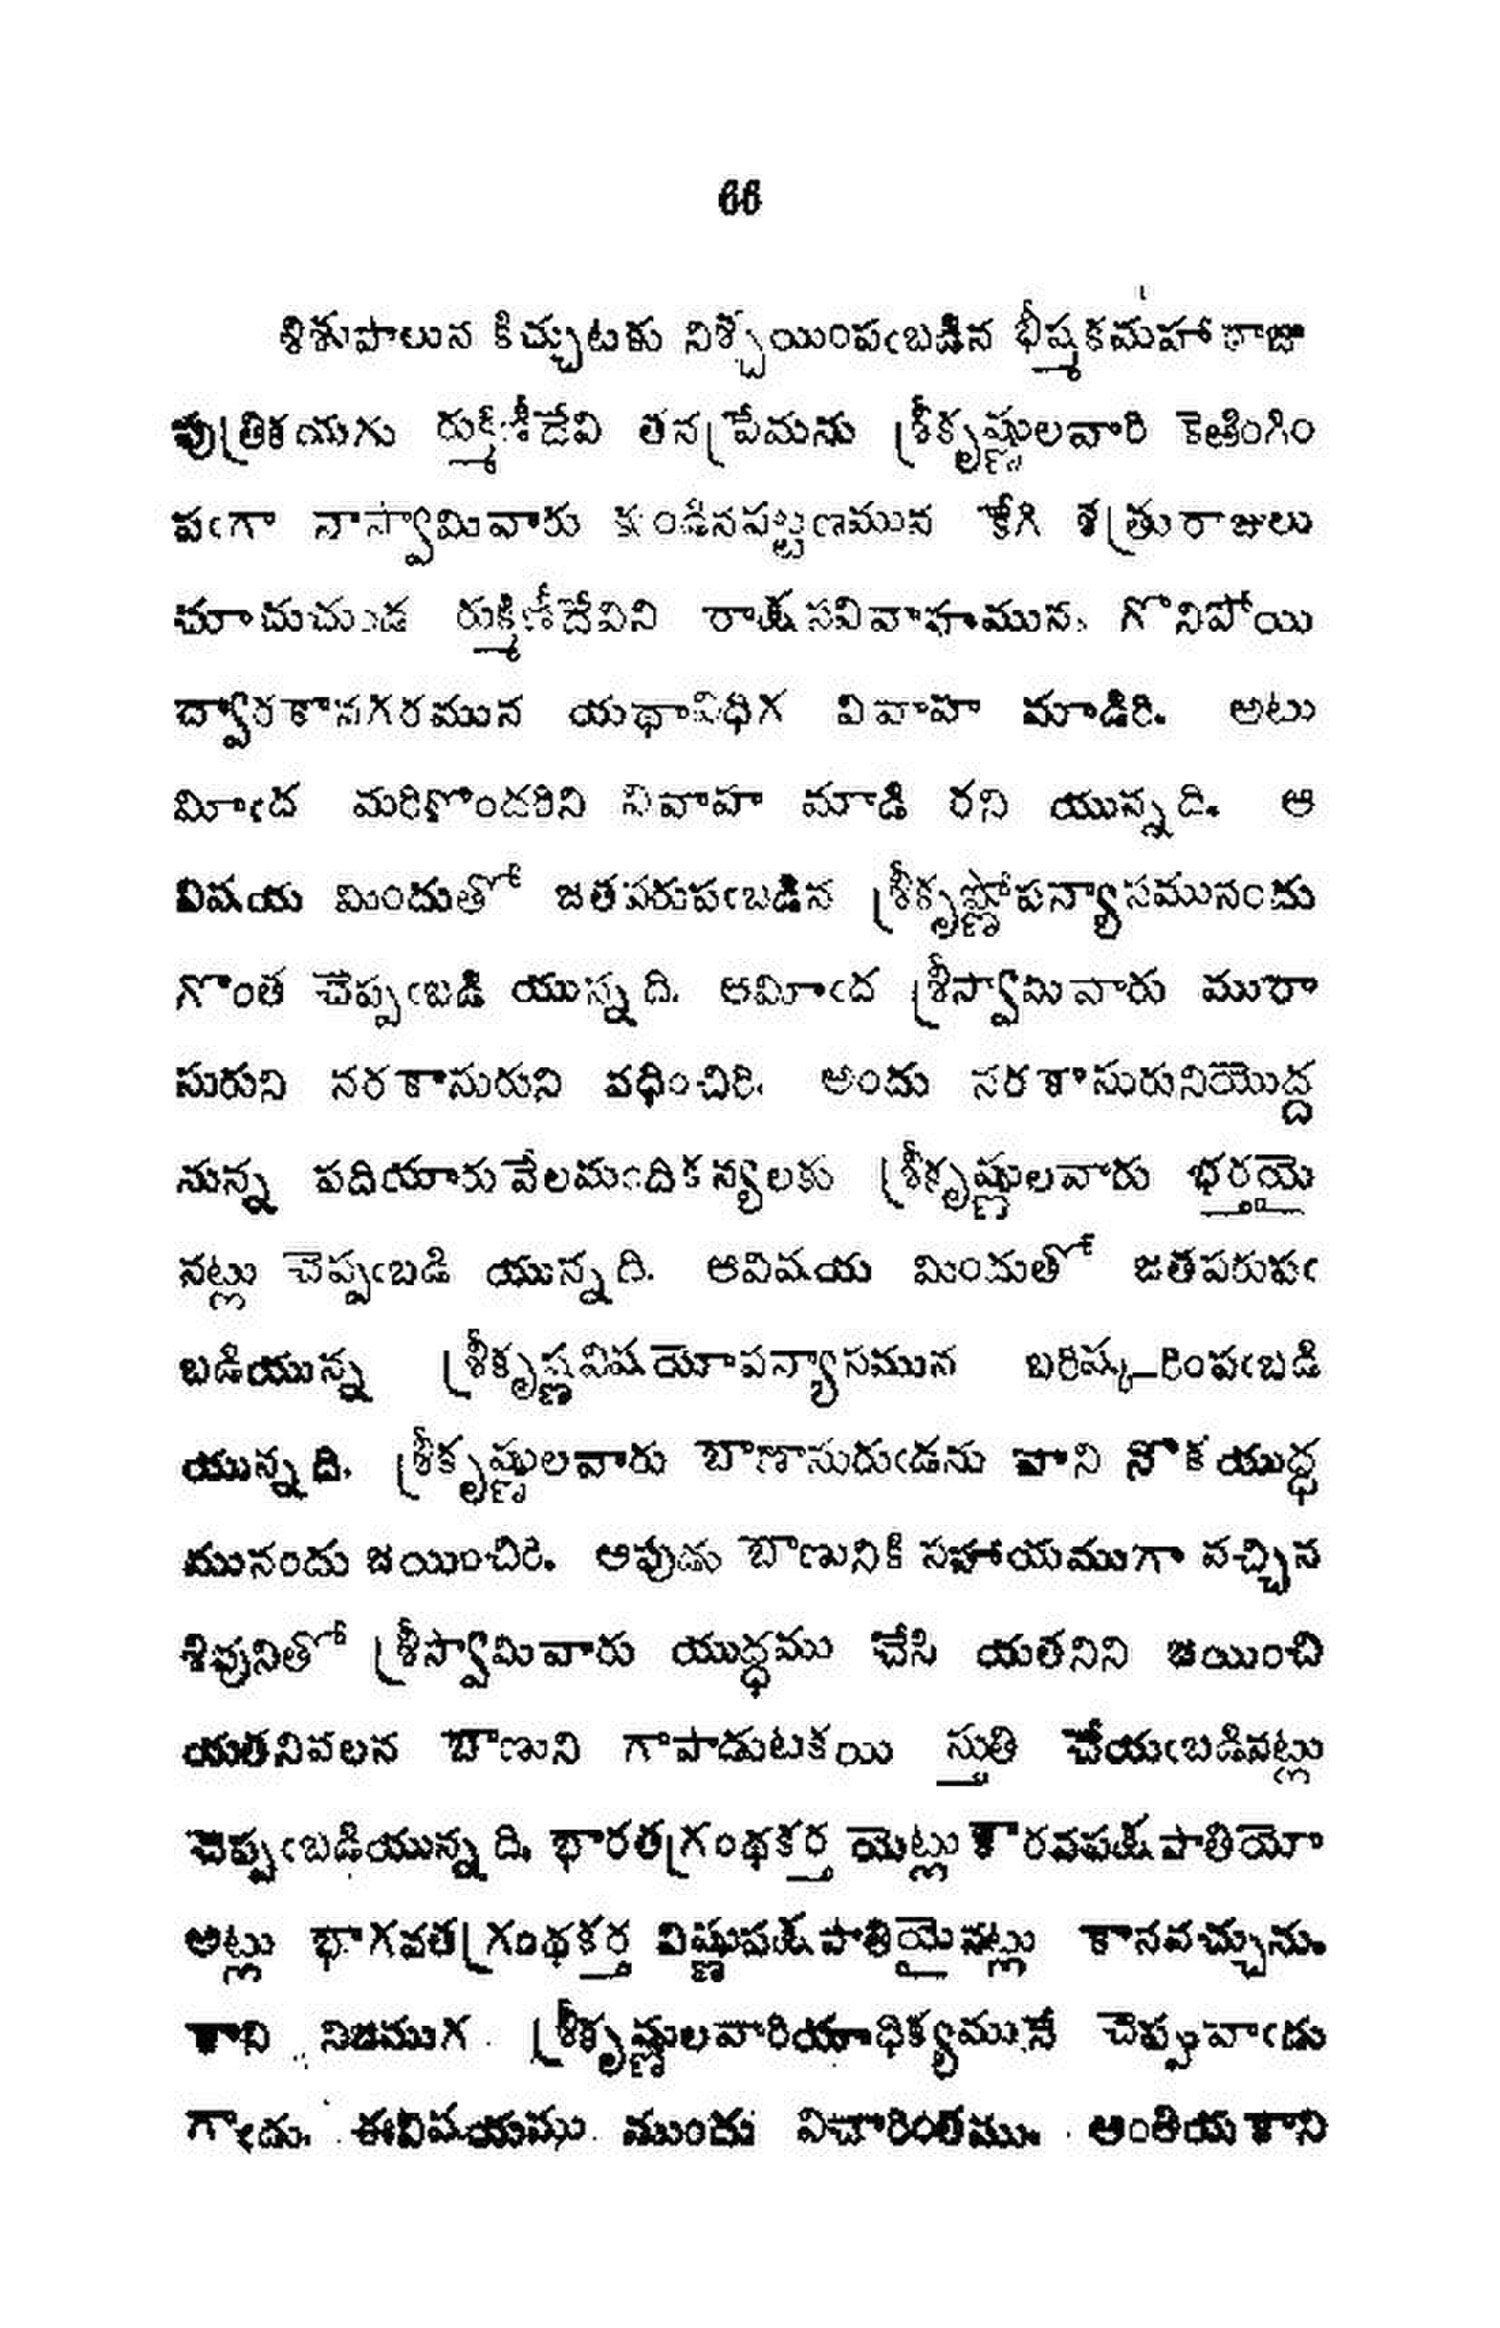శిశుపాలున కిచ్చుటకు నిశ్చయింపఁబడిన భీష్మకమహారాజు పుత్రికయగు రుక్మిణీదేవి తనప్రేమను శ్రీకృష్ణులవారి కెఱింగింపఁగా నాస్వామివారు కుండినపట్టణమున కేగి శత్రురాజులు చూచుచుండ రుక్మిణీదేవిని రాక్షసవివాహమున, గొనిపోయి ద్వారకానగరమున యథావిధిగ వివాహ మాడిరి. అటు
మీఁద మరికొందరిని వివాహ మాడి రని యున్నది. ఆ విషయ మిందుతో జతపరుపఁబడిన శ్రీకృష్ణోపన్యాసమునందు గొంత చెప్పఁబడి యున్నది. అమీఁద శ్రీస్వామివారు మురాసురుని నరకాసురుని వధించిరి. అందు నరకాసురునియొద్ద నున్న పదియారువేలమందికన్యలకు శ్రీకృష్ణులవారు భర్తయైనట్లు చెప్పఁబడి యున్నది. ఆవిషయ మిందుతో జతపరుపఁ బడియున్న శ్రీకృష్ణవిషయోపన్యాసమున బరిష్కరింపఁబడి యున్నది. శ్రీకృష్ణులవారు బాణాసురుఁడను వాని నొక యుద్ధమునందు జయించిరి. అపుడు బాణునికి సహాయముగా వచ్చిన శివునితో శ్రీస్వామివారు యుద్ధము చేసి యతనిని జయించి యతనివలన బాణుని గాపాడుటకయి స్తుతి చేయఁబడినట్లు
చెప్పఁబడియున్నది. భారతగ్రంథకర్త యెట్లు కౌరవపక్షపాతియో అట్లు భాగవత గ్రంథకర్త విష్ణుపక్షపాతియైనట్లు కానవచ్చును. కాని , నిజముగ . శ్రీకృష్ణులవారియాధిక్యమునే చెప్పువాఁడు
గాఁడు. ఈవిషయము ముందు విచారింతము . అంతియకాని